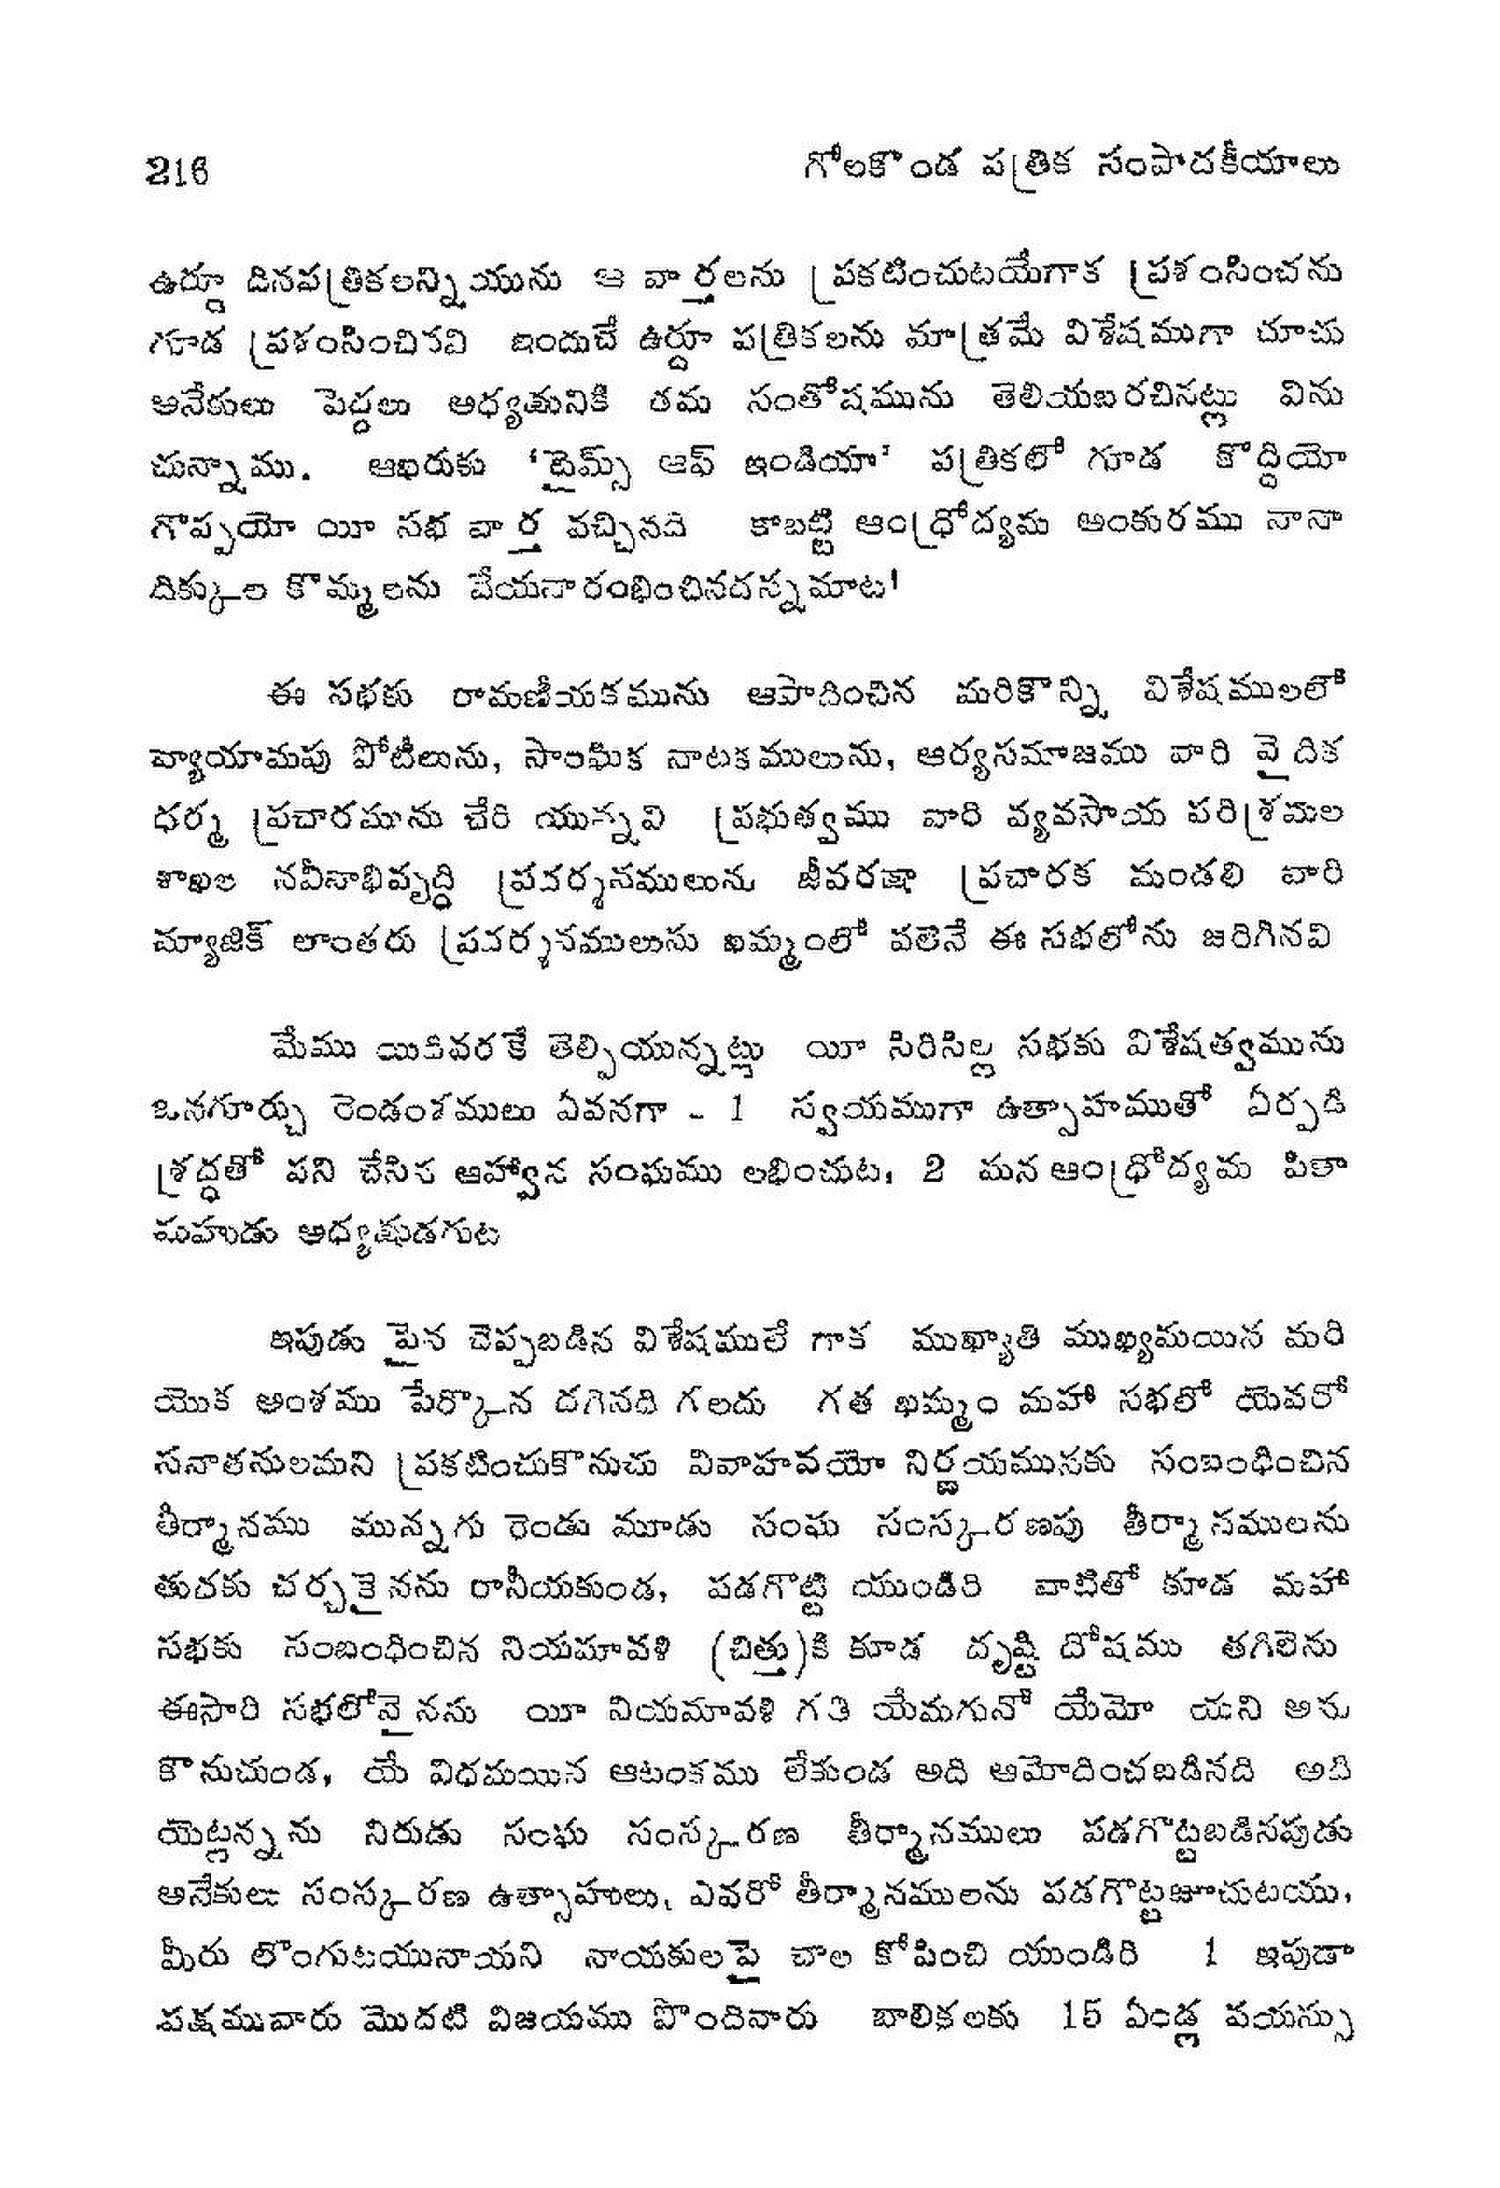ఉర్దూ దినపత్రికలన్నియును ఆ వార్తలను ప్రకటించుటయేగాక ప్రశంసించను గూడ ప్రశంసించినవి ఇందుచే ఉర్దూ పత్రికలను మాత్రమే విశేషముగా చూచు అనేకులు పెద్దలు అధ్యక్షునికి తమ సంతోషమును తెలియబరచినట్లు వినుచున్నాము. ఆఖరుకు 'టైమ్స్ ఆఫ్ ఇండియా' పత్రికలో గూడ కొద్దియో గొప్పయో యీ సభ వార్త వచ్చినది కాబట్టి ఆంధ్రోద్యమ అంకురము నానా దిక్కుల కొమ్మలను వేయనారంభించినదన్నమాట!

ఈ సభకు రామణీయకమును ఆపాదించిన మరికొన్ని విశేషములలో వ్యాయామపు పోటీలును, సాంఘిక నాటకములును, ఆర్యసమాజము వారి వైదిక ధర్మ ప్రచారమును చేరి యున్నవి ప్రభుత్వము వారి వ్యవసాయ పరిశ్రమల శాఖల నవీనాభివృద్ధి ప్రదర్శనములును జీవరక్షా ప్రచారక మండలి వారి మ్యాజిక్ లాంతరు ప్రదర్శనములును ఖమ్మంలో వలెనే ఈ సభలోను జరిగినవి

మేము యిదివరకే తెల్పియున్నట్లు యీ సిరిసిల్ల సభకు విశేషత్వమును ఒనగూర్చు రెండంశములు ఏవనగా - 1 స్వయముగా ఉత్సాహముతో ఏర్పడి శ్రద్ధతో పని చేసిన ఆహ్వాన సంఘము లభించుట, 2 మన ఆంధ్రోద్యమ పితామహుడు అధ్యక్షుడగుట

ఇపుడు పైన చెప్పబడిన విశేషములే గాక ముఖ్యాతి ముఖ్యమయిన మరియొక అంశము పేర్కొన దగినది గలదు గత ఖమ్మం మహా సభలో యెవరో సనాతనులమని ప్రకటించుకొనుచు వివాహవయో నిర్ణయమునకు సంబంధించిన తీర్మానము మున్నగు రెండు మూడు సంఘ సంస్కరణపు తీర్మానములను తుదకు చర్చకైనను రానీయకుండ, పడగొట్టి యుండిరి వాటితో కూడ మహాసభకు సంబంధించిన నియమావళి (చిత్తు)కి కూడ దృష్టి దోషము తగిలెను ఈసారి సభలోనైనసు యీ నియమావళి గతి యేమగునో యేమో యని అనుకొనుచుండ, యే విధమయిన ఆటంకము లేకుండ అది ఆమోదించబడినది అది యెట్లన్నను నిరుడు సంఘ సంస్కరణ తీర్మానములు పడగొట్టబడినపుడు అనేకులు సంస్కరణ ఉత్సాహులు, ఎవరో తీర్మానములను పడగొట్టజూచుటయు, మీరు లొంగుటయునాయని నాయకులపై చాల కోపించి యుండిరి 1 ఇపుడా పక్షమువారు మొదటి విజయము పొందినారు. బాలికలకు 15 ఏండ్ల వయస్సు